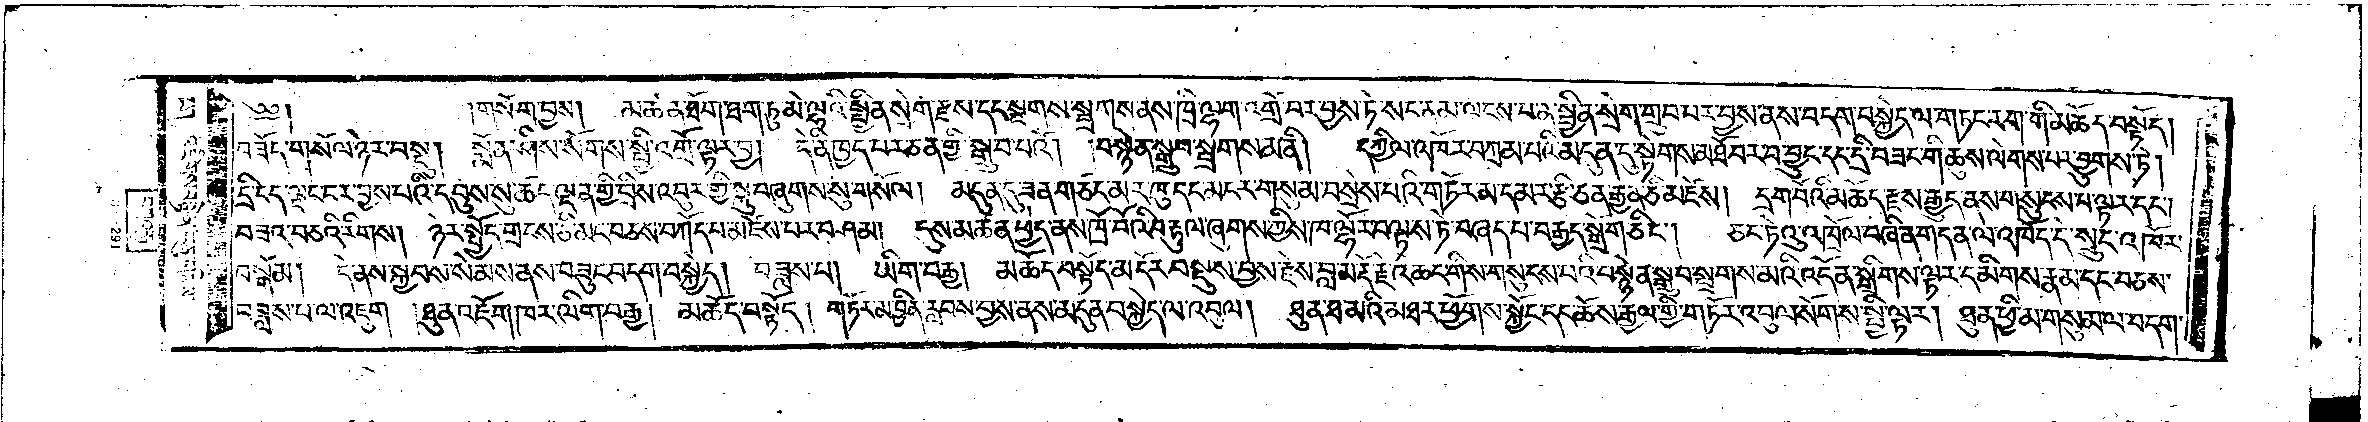༄༅། །གསོག་བྱས། མཚན་ཐོབ། ཐག་ཏུ་མེ་ལྷའི་སྤྱིན་སྲེག་རྫས་དང་སྔགས་སྦྲགས་ནས་ཁྲི་ལྷག་འགྲོ་བར་བྱས་ཏེ་སང་ནམ་ལངས་པ་ན་སྦྱིན་སྲེག་གྲུབ་པར་བྱས་ནས་བདག་བསྐྱེད་ལ་གཏང་རག་གི་མཆོད་བསྟོད།
བཟོད་གསོལ་ཉེར་བསྡུ། སྨོན་ཤིས་སོགས་སྤྱི་འགྲོ་ལྟར་བྱ། དེ་ནི་ཁྱད་པར་ཅན་གྱི་སྒྲུབ་པའོ། །བསྙེན་སྒྲུབ་སྦྲགས་མ་ནི། དཀྱིལ་འཁོར་བཀྲམ་པའི་མདུན་དུ་སྟེགས་མཐོ་བར་བ་བྱུང་དང་དྲི་བཟང་གི་ཆུས་ལེགས་པར་བྱུགས་ཏེ།
དྲི་ངད་ལྡང་ངར་བྱས་པའི་དབུས་སུ་ཚད་ལྡན་གྱི་བྲིས་འབུར་གྱི་སྐུ་བཞུགས་སུ་གསོལ། མདུན་དུ་ཟན་གཙང་མར་ཁུ་དང་མངར་གསུམ་བསྲེས་པའི་གཏོར་མ་དམར་རྩི་ཅན་རྒྱན་ཅི་མཛེས། དྲག་བོའི་མཆོད་རྫས་རྒྱུད་ནས་གསུངས་པ་ལྟར་དང་།
བཟའ་བཅའི་རིགས། ཉེར་སྤྱོད་གྲངས་ཅི་མང་བཅས་བཀོད་པ་མཛེས་པར་བཤམ། དུས་མཚན་ཕྱེད་ནས་ཁྲོ་བོའི་བརྟུལ་ཞུགས་ཀྱིས་ཁ་ལྷོར་བལྟས་ཏེ་བཞད་པ་བརྒྱད་སྒྲོག་ཅིང་། ཅང་ཏེའུ་འཁྲོལ་བཞིན་གདན་ལེ་འཁོད་དེ་སྲུང་འཁོར་
བསྒོམ། དེ་ནས་སྐྱབས་སེམས་ནས་བཟུང་བདག་བསྐྱེད། བཟླས་པ། ཡིག་བརྒྱ། མཆོད་བསྟོད་མདོར་བསྡུས་བྱས་རྗེས་བླ་མ་རྡོ་རྗེ་འཆང་གིས་གསུངས་པའི་བསྙེན་སྒྲུབ་སྤྲགས་མའི་འདོན་སྒྲིགས་ལྟར་དམིགས་རྣམ་དང་བཅས་
བཟླས་པ་ལ་འཇུག །ཐུན་འཇོག་ཁར་ལིག་བརྒྱ། མཆོད་བསྟོད། གཏོར་མ་བྱིན་རླབས་བྱས་ནས་མདུན་བསྐྱེད་ལ་འབུལ། ཐུན་ཐ་མའི་མཐར་ཕྱོགས་སྐྱོང་དང་ཆོས་རྒྱལ་གྱི་གཏོར་འབུལ་སོགས་སྤྱི་ལྟར། ཐུན་ཕྱི་མ་གསུམ་ལ་བདག་